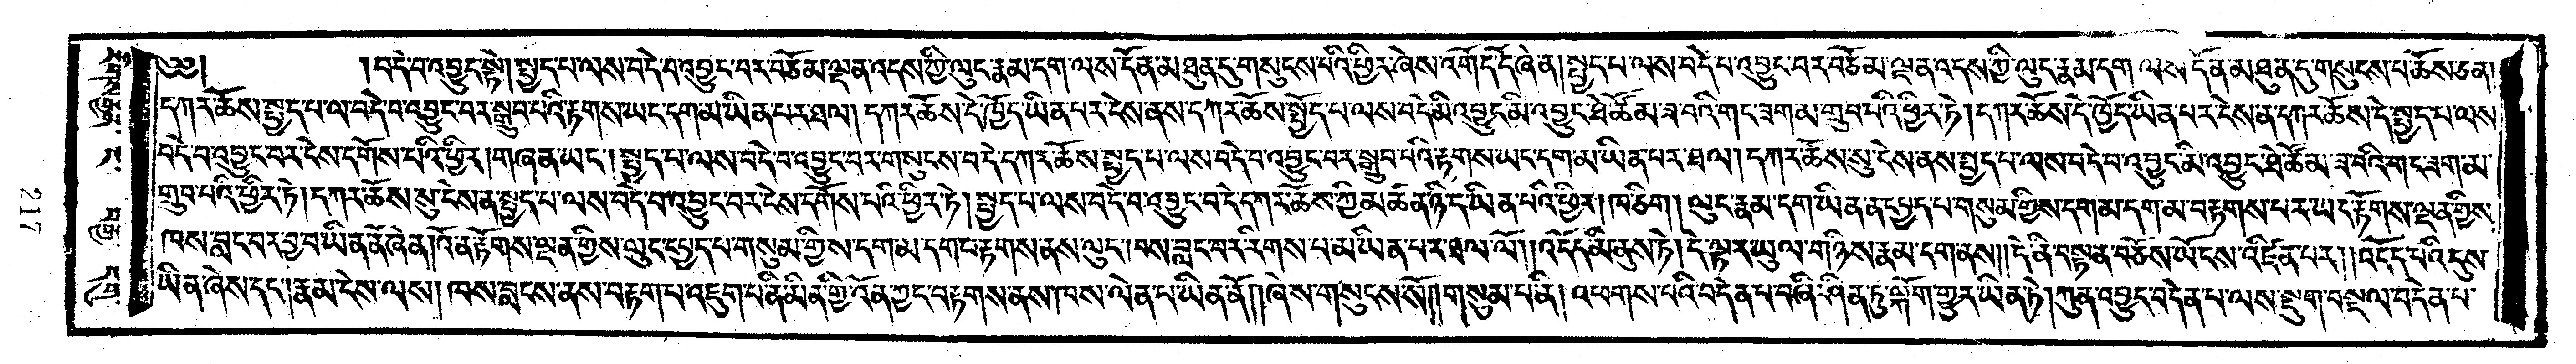༄༅། །བདེ་བ་འབྱུང་སྟེ། སྤྱད་པ་ལས་བདེ་བ་འབྱུང་བར་བཅོམ་ལྡན་འདས་ཀྱི་ལུང་རྣམ་དག་ལས་དོན་མཐུན་དུ་གསུངས་པའི་ཕྱིར། ཞེས་འགོད་དོ་ཞེ་ན། སྤྱད་པ་ལས་བདེ་བ་འབྱུང་བར་བཅོམ་ལྡན་འདས་ཀྱི་ལུང་རྣམ་དག་ལས་དོན་མཐུན་དུ་གསུངས་པ་ཆོས་ཅན།
དཀར་ཆོས་སྤྱད་པ་ལ་བདེ་བ་འབྱུང་བར་སྒྲུབ་པའི་རྟགས་ཡང་དག་མ་ཡིན་པར་ཐལ། དཀར་ཆོས་དེ་ཁྱོད་ཡིན་པར་ངེས་ནས་དཀར་ཆོས་སྤྱད་པ་ལས་བདེ་བ་འབྱུང་མི་འབྱུང་ཐེ་ཚོམ་ཟ་བའི་གང་ཟག་མ་གྲུབ་པའི་ཕྱིར་ཏེ། དཀར་ཆོས་དེ་ཁྱོད་ཡིན་པར་ངེས་ན་དཀར་ཆོས་དེ་སྤྱད་པ་ལས་
བདེ་བ་འབྱུང་བར་ངེས་དགོས་པའི་ཕྱིར། གཞན་ཡང་། སྤྱད་པ་ལས་བདེ་བ་འབྱུང་བར་གསུངས་པ་དེ་དཀར་ཆོས་སྤྱད་པ་ལ་བདེ་བ་འབྱུང་བར་སྒྲུབ་པའི་རྟགས་ཡང་དག་མ་ཡིན་པར་ཐལ། དཀར་ཆོས་སུ་ངེས་ནས་སྤྱད་པ་ལས་བདེ་བ་འབྱུང་མི་འབྱུང་ཐེ་ཚོམ་ཟ་བའི་གང་ཟག་མ་
གྲུབ་པའི་ཕྱིར་ཏེ། དཀར་ཆོས་སུ་ངེས་ན་སྤྱད་པ་ལས་བདེ་བ་འབྱུང་བར་ངེས་དགོས་པའི་ཕྱིར་ཏེ། སྤྱད་པ་ལས་བདེ་བ་འབྱུང་བ་དེ་དཀར་ཆོས་ཀྱི་མཚན་ཉིད་ཡིན་པའི་ཕྱིར། ཁ་ཅིག །ལུང་རྣམ་དག་ཡིན་ན་དཔྱད་པ་གསུམ་གྱིས་དག་མ་དག་མ་བརྟགས་པར་ཡང་རྟོགས་ལྡན་གྱིས་
ཁས་བླང་བར་བྱ་བ་ཡིན་ནོ་ཞེ་ན། འོ་ན་རྟོགས་ལྡན་གྱིས་ལུང་དཔྱད་པ་གསུམ་གྱིས་དག་མ་དག་བརྟགས་ནས་ལུང་ཁས་བླང་བར་རིགས་པ་མ་ཡིན་པར་ཐལ་ལོ། །འདོད་མི་ནུས་ཏེ། དེ་ལྟར་ཡུལ་གཉིས་རྣམ་དག་ནས། །དེ་ནི་བསྟན་བཅོས་ཡོངས་འཛིན་པར། །འདོད་པའི་དུས་
ཡིན་ཞེས་དང་། རྣམ་ངེས་ལས། ཁས་བླངས་ནས་བརྟག་པ་འཇུག་པ་ནི་མིན་གྱི་འོན་ཀྱང་བརྟགས་ནས་ཁས་ལེན་པ་ཡིན་ནོ། །ཞེས་གསུངས་སོ། །གསུམ་པ་ནི། འཕགས་པའི་བདེན་པ་བཞི་ཤིན་ཏུ་ལྐོག་གྱུར་ཡིན་ཏེ། ཀུན་འབྱུང་བདེན་པ་ལས་སྡུག་བསྔལ་བདེན་པ་